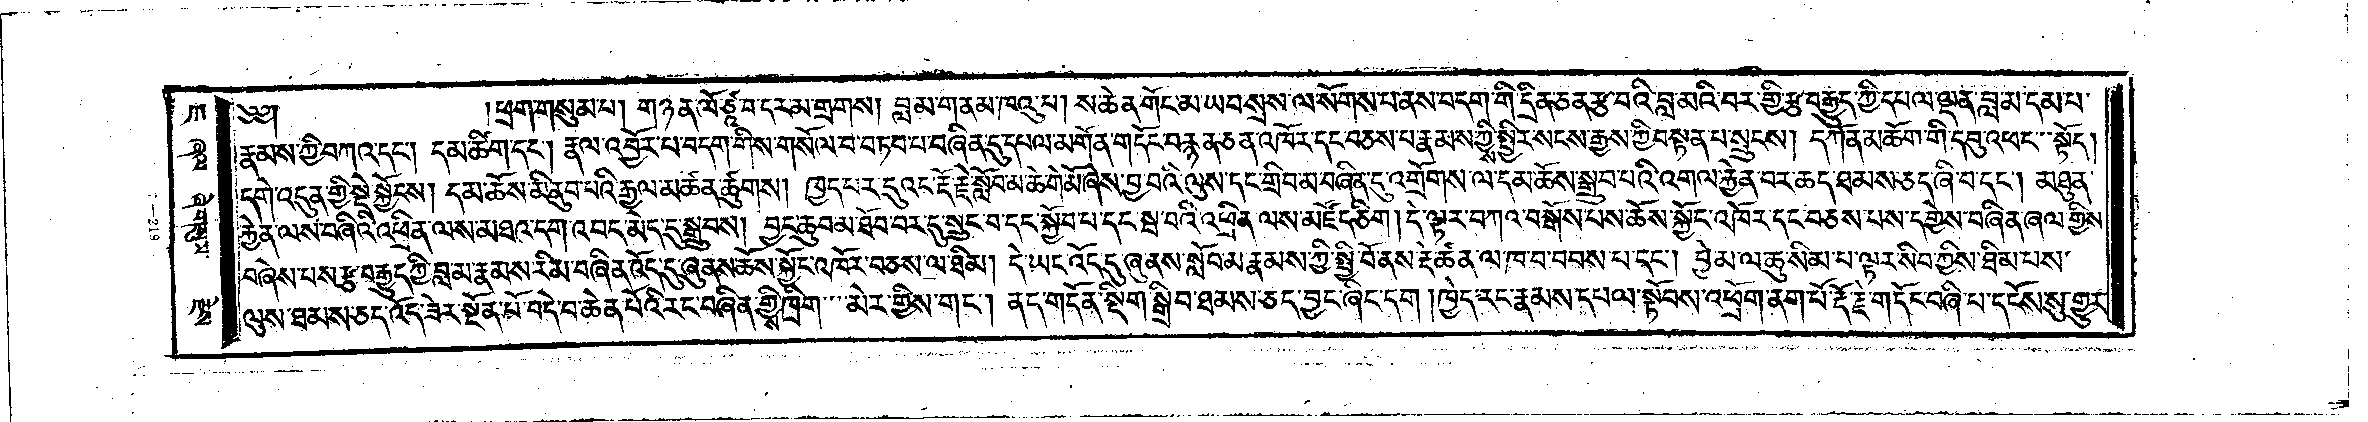༄༅། །ཕྲག་གསུམ་པ། གཉན་ལོ་ཙཱ་བ་དར་མ་གྲགས། བླ་མ་གནམ་ཁའུ་པ། ས་ཆེན་གོང་མ་ཡབ་སྲས་ལ་སོགས་པ་ནས་བདག་གི་དྲིན་ཅན་རྩ་བའི་བླ་མའི་བར་གྱི་རྩ་བརྒྱུད་ཀྱི་དཔལ་ལྡན་བླ་མ་དམ་པ་
རྣམས་ཀྱི་བཀའ་དང་། དམ་ཚིག་དང་། རྣལ་འབྱོར་བ་བདག་གིས་གསོལ་བ་བཏབ་པ་བཞིན་དུ་དཔལ་མགོན་གདོང་བརྙན་ཅན་འཁོར་དང་བཅས་པ་རྣམས་ཀྱིས་སྤྱིར་སངས་རྒྱས་ཀྱི་བསྟན་པ་སྲུངས། དཀོན་མཆོག་གི་དབུ་འཕང་སྟོད།
དགེ་འདུན་གྱིས་དེ་སྐྱོངས། དམ་ཆོས་མི་ནུབ་པའི་རྒྱལ་མཚན་ཚུགས། ཁྱད་པར་དུའང་རྡོ་རྗེ་སློབ་མ་ཆེ་གེ་མོ་ཞེས་བྱ་བའི་ལུས་དང་གྲིབ་མ་བཞིན་དུ་འགྲོགས་ལ་དམ་ཆོས་སྒྲུབ་པའི་འགལ་རྐྱེན་བར་ཆད་ཐམས་ཅད་ཞི་བ་དང་། མཐུན་
རྐྱེན་ལས་བཞིའི་འཕྲིན་ལས་མཐའདག་འབད་མེད་དུ་སྒྲུབས། བྱང་ཆུབ་མ་ཐོབ་བར་དུ་སྲུང་བ་དང་སྐྱོབ་པ་དང་སྤ་བའི་འཕྲིན་ལས་མཛོད་ཅིག། དེ་ལྟར་བཀའ་བསྒོས་པས་ཆོས་སྐྱོང་འཁོར་དང་བས་པས་དགྱེས་བཞིན་ཞལ་གྱིས་
བཞེས་པས་རྩ་བརྒྱུད་ཀྱི་བླ་མ་རྣམས་རིམ་བཞིན་འོད་དུ་ཞུ་ནས་ཆོས་སྐྱོང་འཁོར་བཅས་ལ་ཐིམ། དེ་ཡང་འོད་དུ་ཞུ་ནས་སློབ་མ་རྣམས་ཀྱི་སྤྱི་བོ་ནས་རྡེ་ཚན་ལ་ཁ་བ་བབས་པ་དང་། ཕྱེ་མ་ལ་ཆུ་སིམ་པ་ལྟར་སིབ་ཀྱིས་ཐིམ་པས་
ལུས་ཐམས་ཅད་འོད་ཟེར་སྔོན་པོ་བྱེད་པ་ཆེན་པོའི་རང་བཞིན་གྱིས་ཁྲིག་མེར་གྱིས་གྲང་། ནད་གདོན་སྡིག་སྒྲིབ་ཐམས་ཅད་བྱང་ཞིང་དག །ཁྱེད་རང་རྣམས་དཔལ་སྟོབས་འཕྲོག་ནག་པོ་རྡོ་རྗེ་གདོང་བཞི་པ་དངོས་སུ་གྱུར་